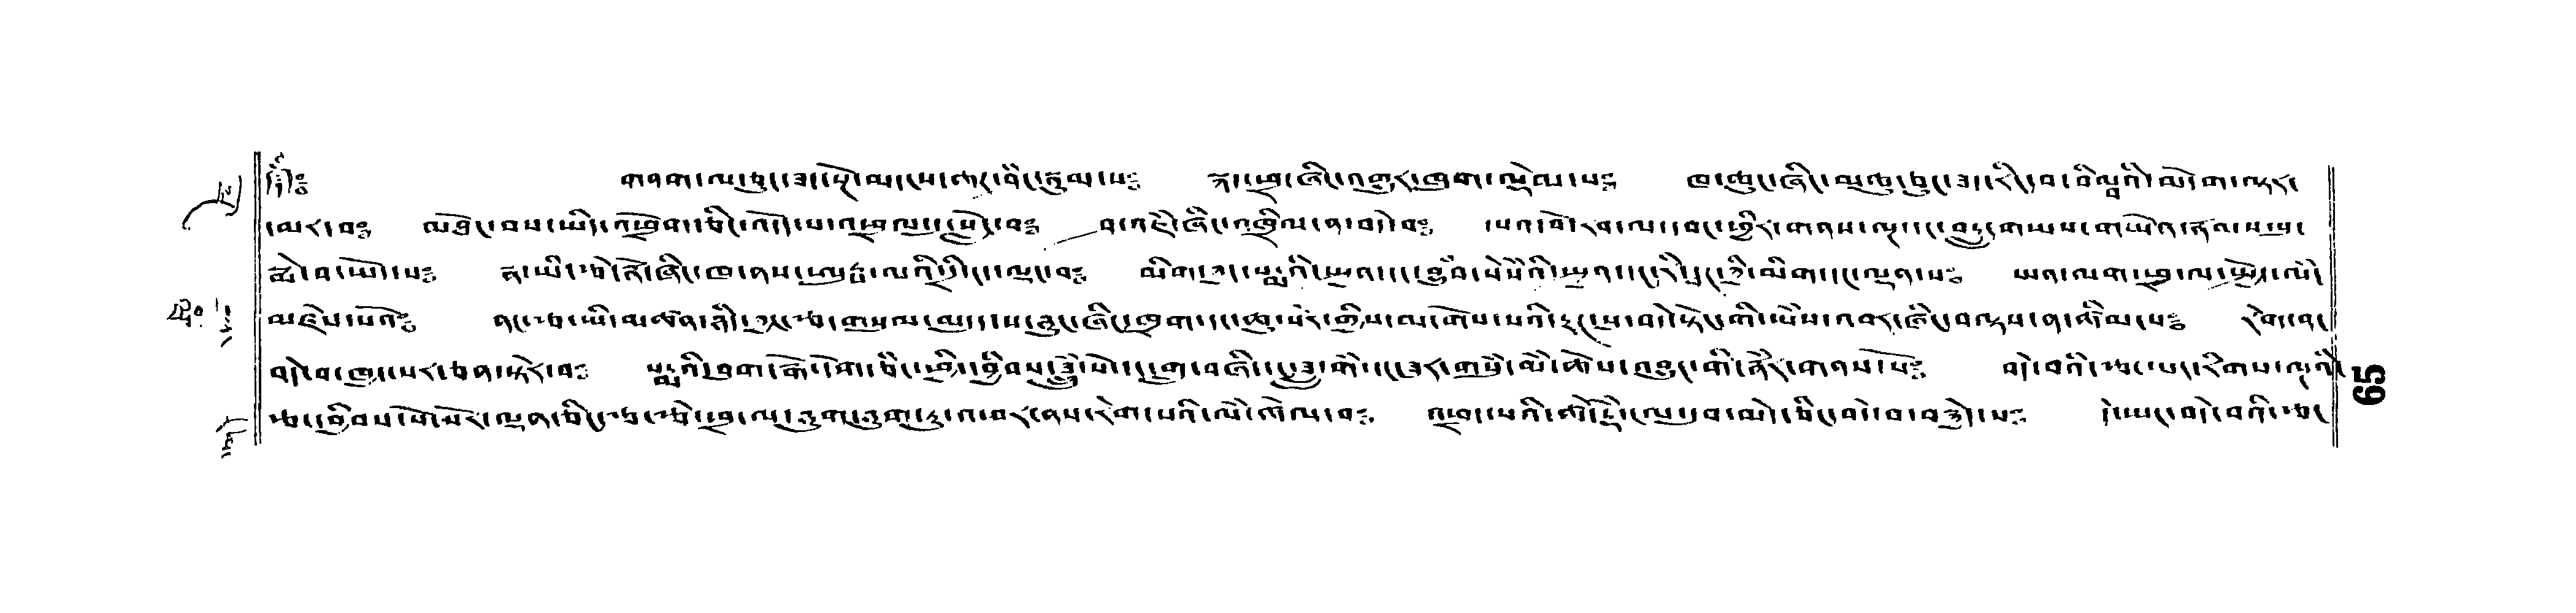གནག་ལ་ཅུང་ཟད་སྔོ་མདངས་ཆགས་ཤིང་སྣུམ་པ༔ སྐད་ཕྲ་ཞིང་འགྱུར་ཁུག་ལྡེབ་པ༔ ཁ་ཆུང་ཞིང་མཆུ་ཅུང་ཟད་རིང་བ་བིམྦའི་མདོག་ལྟར་
དམར་བ༔ མཐོང་བས་ཡིད་འཕྲོག་ཅིང་འདོད་པ་འཕྲལ་དུ་སློང་བ༔ ཤ་འཇམ་ཞིང་འཁྲིལ་ན་བདེ་བ༔ དཔའ་བོ་རབ་ལ་དབང་ཕྱིར་གནས་ལྔ་དང་བརླ་གཡས་གཡོན་རྣམས་སུ་
སྨེ་བ་ཡོད་པ༔ སྣ་ཡི་རྩེ་སྣོ་ཞིང་ཁ་ནས་ཨུཏྤ་ལའི་དྲི་ངང་ལྡང་བ༔ མིག་ཀྱང་པདྨའི་སྤྱན་དང་བྱང་ཆུབ་སེམས་དཔའི་སྤྱན་དང་རི་དྭགས་ཀྱི་མིག་དང་ལྡན་པ༔ ཡན་ལག་ཕྲ་ལ་སྤྱོད་ལམ་
མཛེས་པའོ༔ ནང་རྩ་ཡི་མཚན་ཉིད་ཀྱང་རྩ་གསུམ་མདུད་པ་ཉུང་ཞིང་ཁྲག་དང་ཆུ་སེར་གྱིས་མ་གོས་པའི་རྟགས་སུ་བདེ་སྟོང་གི་ཡེ་ཤེས་འབར་ཞིང་བལྟས་ན་ཚིམ་པ༔ རེག་ན་
བདེ་བ་ཁྱད་པར་ཅན་སྟེར་བ༔ པདྨའི་བུག་སྒོ་དོག་ཅིང་ཕྱི་དབྱིབས་ཟླུམ་པོ་དང་གྲུ་བཞི་དང་ཟླ་གམ་དང་ཟུར་གསུམ་མམ་ཆོས་འབྱུང་གི་རྣམ་པར་གནས་སོ༔ བདེ་བའི་རྩ་ཡང་རིགས་ལྔའི་
རྩ་དབྱིབས་སོ་སོར་ལྡན་ཅིང་རྩ་རྩེ་ཕྲ་ལ་ཉུག་ཉུག་ཏུ་འཕར་ནས་རེག་པའི་ལམ་ཆེལ་བ༔ འཕྲད་པའི་ཚེ་རྡོ་རྗེ་ངལ་དུབ་མེད་ཅིང་བདེ་བ་བསྐྱེད་པ༔ དེ་ཡང་བདེ་བའི་རྩ་